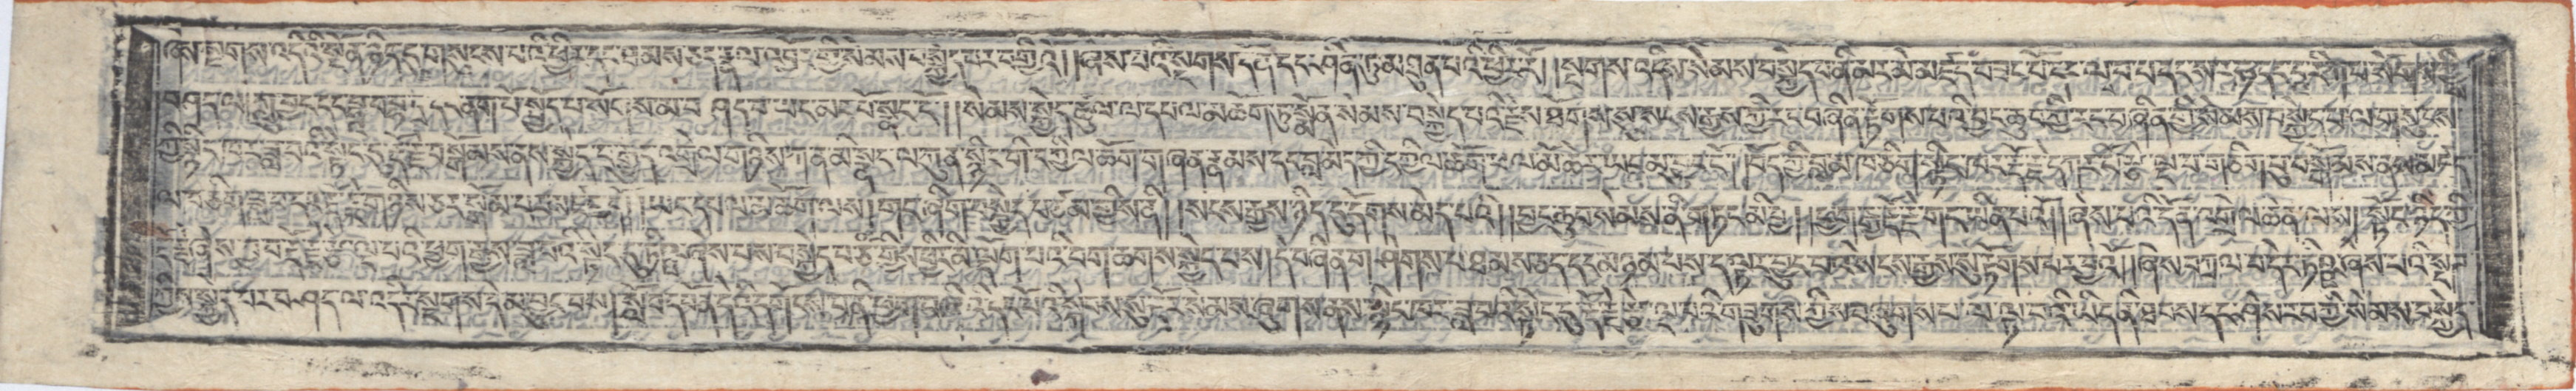ཞེས་སྔགས་འདིའི་སྔོན་ཉིད་དུ་གསུངས་པའི་ཕྱིར་དང་ཐམས་ཅད་རྣལ་འབྱོར་གྱི་སེམས་བསྐྱེད་པར་བགྱིའོ། །ཞེས་པའི་སྔགས་དོན་དང་ཤིན་ཏུ་མཐུན་པའི་ཕྱིར་རོ། །སྔགས་འདིས་སེམས་བསྐྱེད་པ་ནི་མར་མེ་མཛད་བཟང་པོ་དང་ལྭ་བ་པ་དང་ས་ར་ཧ་དང་དཱ་རི་ཀ་པ་སོགས་ཀྱིས་
བཤད་ལ། ཀླུ་བྱང་དང་བྷཱ་བ་བྷ་དྲ་དང་ནག་པོ་སྤྱོད་པ་སོགས་མ་བཤད་པ་ཡང་མང་པོ་སྣང་ངོ། །སེམས་བསྐྱེད་ཚུལ་ལ་དཔལ་མཆོག་ཏུ་སྨོན་སེམས་བསྐྱེད་པའི་རྗེས་ཐོགས་སུ་སངས་རྒྱས་ཀྱི་རང་བཞིན་རྟོགས་པའི་བྱང་ཆུབ་ཀྱི་རང་བཞིན་གྱི་སེམས་བསྐྱེད་པ་ལ་གསུངས་
ཀྱི་སྙིང་ཁར་ཟླ་བའི་སྟེང་དུ་རྡོ་རྗེ་བསྒོམས་ནས་སྐྱེད་པ་རྒྱུད་འགྲེལ་གཉིས་ཀ་ན་མི་སྣང་ལ་ཀུན་སྙིང་གི་དཀྱིལ་ཆོག་གཞན་རྣམས་དང་བླ་མེད་ཀྱི་དཀྱིལ་ཆོག་ཕལ་མོ་ཆེར་ཡང་མ་བྱུང་ངོ། །བོད་ཀྱི་བླ་མ་ཁ་ཅིག་སྙིང་ཁར་རྡོ་རྗེ་དཀར་པོ་རྩེ་ལྔ་པ་གཅིག་པུ་བསྒོམས་ནས་མཛད་
ལ་ཁ་ཅིག་ཟླ་བ་དང་རྡོ་རྗེ་གཉིས་ཅར་སྒོམ་པར་མཛད་དོ། །ཡང་དཔལ་མཆོག་ལས། གང་ཞིག་བསྐྱེད་པ་ཙམ་གྱིས་ནི། །སངས་རྒྱས་ཉིད་དུ་དོགས་མེད་པའི། །བྱང་ཆུབ་སེམས་ནི་གཏང་མི་བྱ། །ཕྱག་རྒྱ་རྡོ་རྗེ་གང་ཡིན་པའོ། །ཞེས་པའི་དོན་འགྲེལ་ཆེན་ལས། སྟོང་ཉིད་ཀྱི་
རྡོ་རྗེ་ཞེས་བྱ་བ་རྡོ་རྗེ་རྩེ་ལྔ་པའི་ཕྱག་རྒྱས་ཟླ་བའི་སྟེང་དུ་ཏིཥཊཿཨ་ཞེས་པས་བསྐྱེད་པ་ཙམ་གྱིས་ཕྱིར་མི་ལྡོག་པའི་བག་ཆགས་སྐྱེད་པས། དེ་བཞིན་གཤེགས་པ་ཐམས་ཅད་དང་མཉམ་པས་ད་ལྟར་བྱུང་བའི་སངས་རྒྱས་སུ་རྟོགས་པར་བྱའོ། །ཞེས་བཀྲལ་བ་དེར་ཏིཥཊཿཨ་ཞེས་པའི་སྔགས་
ཀྱིས་སྐྱེད་པར་བཤད་ལ་འདིར་སྔགས་དེ་མ་བྱུང་བས། སློབ་དཔོན་དེའི་དགོངས་པ་ནི་ཕྱག་བཞིའི་དང་པོའི་སྐབས་སུ་རྡོར་སེམས་ཞུགས་ནས་སྙིང་ཁར་ཟླ་བའི་སྟེང་དུ་རྡོ་རྗེ་རྩེ་ལྔ་པའི་གཟུགས་ཀྱིས་བཞུགས་པ་ལ་ལྟ་བའི་ཡིད་ནི་ཐབས་དང་ཤེས་རབ་ཀྱི་སེམས་བསྐྱེད་